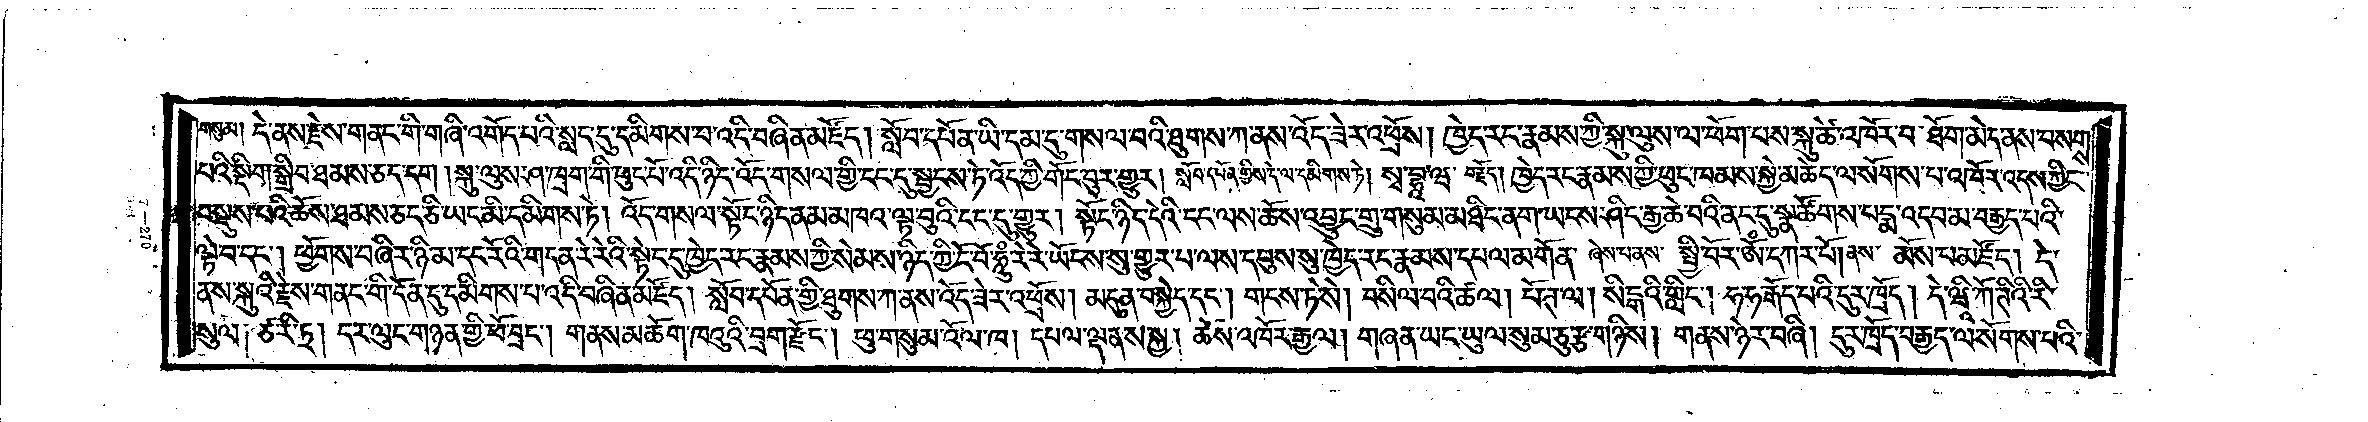གམ། དེ་ནས་རྗེས་གནང་གི་གཞི་འགོད་པའི་སླད་དུ་དམིགས་པ་འདི་བཞིན་མཛོད། སློབ་དཔོན་ཡི་དམ་དུ་གསལ་པའི་ཐུགས་ཀ་ནས་འོད་ཟེར་འཕྲོས། ཁྱེད་རང་རྣམས་ཀྱི་སྐུ་ལུས་ལ་ཕོག་པས་སྐུ་ཚེ་འཁོར་བ་ཐོག་མེད་ནས་བསགས་
པ་སྡིག་སྒྲིབ་ཐམས་ཅད་དག །སྐུ་ལུས་ཤ་ཁྲག་གི་ཕུང་པོ་འདི་ཉིད་འོད་གསལ་གྱི་ངང་དུ་སྦྱངས་ཏེ་འོད་ཀྱི་གོང་བུར་གྱུར། སློབ་དཔོན་གྱིས་དེ་ལ་དམིགས་ཏེ།  སྭ་བྷཱ་ཝ་བརྗོད།  ཁྱེད་རང་རྣམས་ཀྱི་ཕུང་ཁམས་སྐྱེ་མཆེད་ལ་སོགས་པ་འཁོར་འདས་ཀྱི་
བསྡུས་པའི་ཆོས་ཐམས་ཅད་ཅི་ཡང་མི་དམིགས་ཏེ། འོད་གསལ་སྟོང་ཉིད་ནམ་མཁའ་ལྟ་བུའི་ནང་དུ་གྱུར། སྟོང་ཕྱིད་དེའི་ངང་ལས་ཆོས་འབྱུང་གྲུ་གསུམ་མཐིང་ནག་ཡངས་ཤིང་རྒྱ་ཆེ་བའི་ནང་དུ་སྣ་ཚོགས་པདམ་འདབ་མ་བརྒྱད་པའི་
བ་དང་། ཕྱོགས་བཞིར་ཉི་མ་དང་རོའི་གདན་རེ་རེའི་སྟེང་དུ་ཁྱེད་རང་རྣམས་ཀྱི་སེམས་ཉིད་ཀྱི་ངོ་བོ་ཧཱུཾ་རེ་རེ་ཡོངས་སུ་གྱུར་པ་ལས་དབུས་སུ་ཁྱེད་རང་རྣམས་དཔལ་མགོན་ཞེས་པ་ནས་སྤྱི་བོར་ཨོཾ་དཀར་པོ། ནས་མོས་པ་མཛོད། དེ་
ནས་སྐུའི་རྗེས་གནང་གི་དོན་དུ་དམིགས་པ་འདི་བཞིན་མཛོད། སློབ་དཔོན་གྱི་ཐུགས་ཀ་ནས་འོད་ཟེར་འཕྲོས། མདུན་བསྐྱེད་དང་། གངས་ཏེ་སེ། བསིལ་བའི་ཚལ། པོ་ཊ་ལ། སིངྒའི་གླིང་། ཧ་ཧ་རྒོད་པའི་དུར་ཁྲོད། དེ་སཱི་ཀོ་ཊིའི་རི་
ལ། ཙ་རི་ཏྲ། དར་ལུང་གཉན་གྱི་ཕོ་བྲང་། གནས་མཆོག་ཁའུའི་བྲག་རྫོང་། ཕུ་གསུམ་འོལ་ཁ། དཔལ་ལྡན་ས་སྐྱ། ཆོས་འཁོར་རྒྱལ། གཞན་ཡང་ཡུལ་སུམ་ཅུ་རྩ་གཉིས། གནས་ཉེར་བཞི། དུར་ཁྲོད་བརྒྱད་ལ་སོགས་པའི་